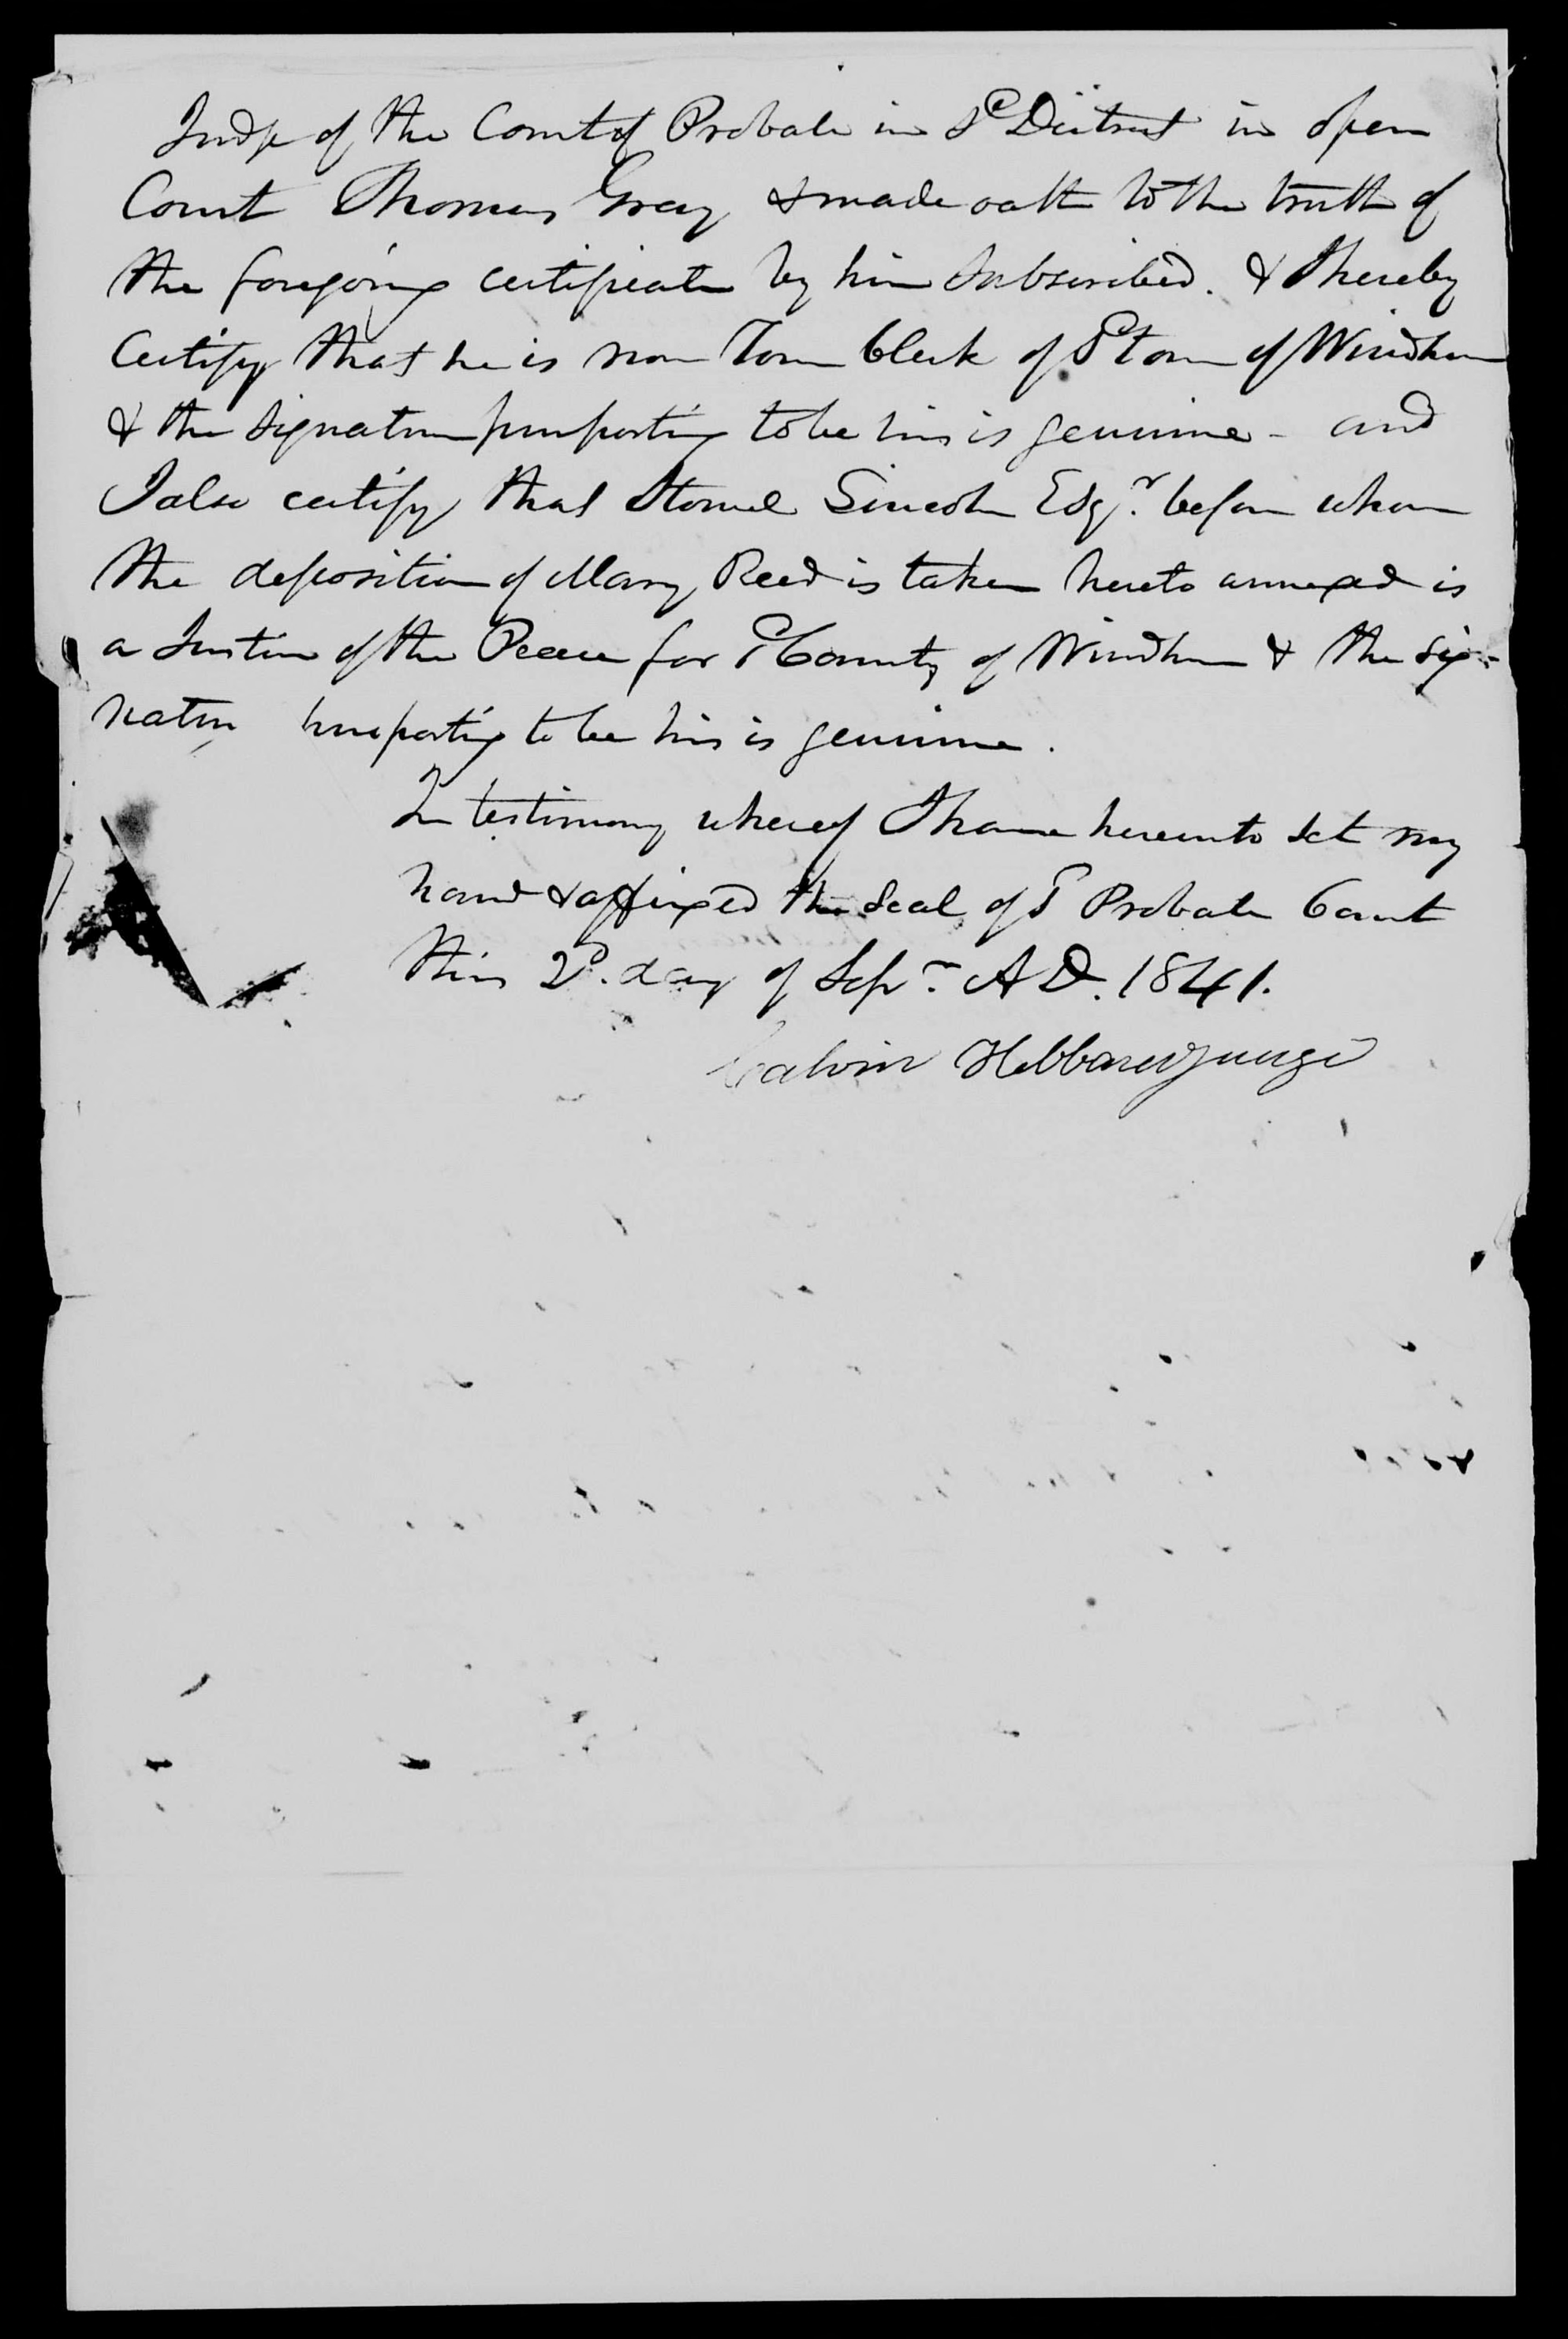Judge of the County Probate in a District in open Court Thomas Gray & made oath to the truth of the foregoing certificate by him subscribed. I hereby
certify that he is now Town Clerk of town of Windham & the signature purporting to be his is genuine, and I also certify that Stowel Lincoln Esq before whom
the deposition of Mary Reed is taken hereto annexed is a Justice of the Peace for County of Windham & the signature purporting to be his is genuine.

In testimony whereof I have hereunto set my hand & affixed the seal of Probate Court this 2d day of Sept A. D. 1841.
Calvin Hebbard Judge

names: Calvin Hebbard, Thomas Gray, Stowel Lincoln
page: 39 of 79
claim: widow's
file: W. 2,906, Stephen Bennet, Conn.